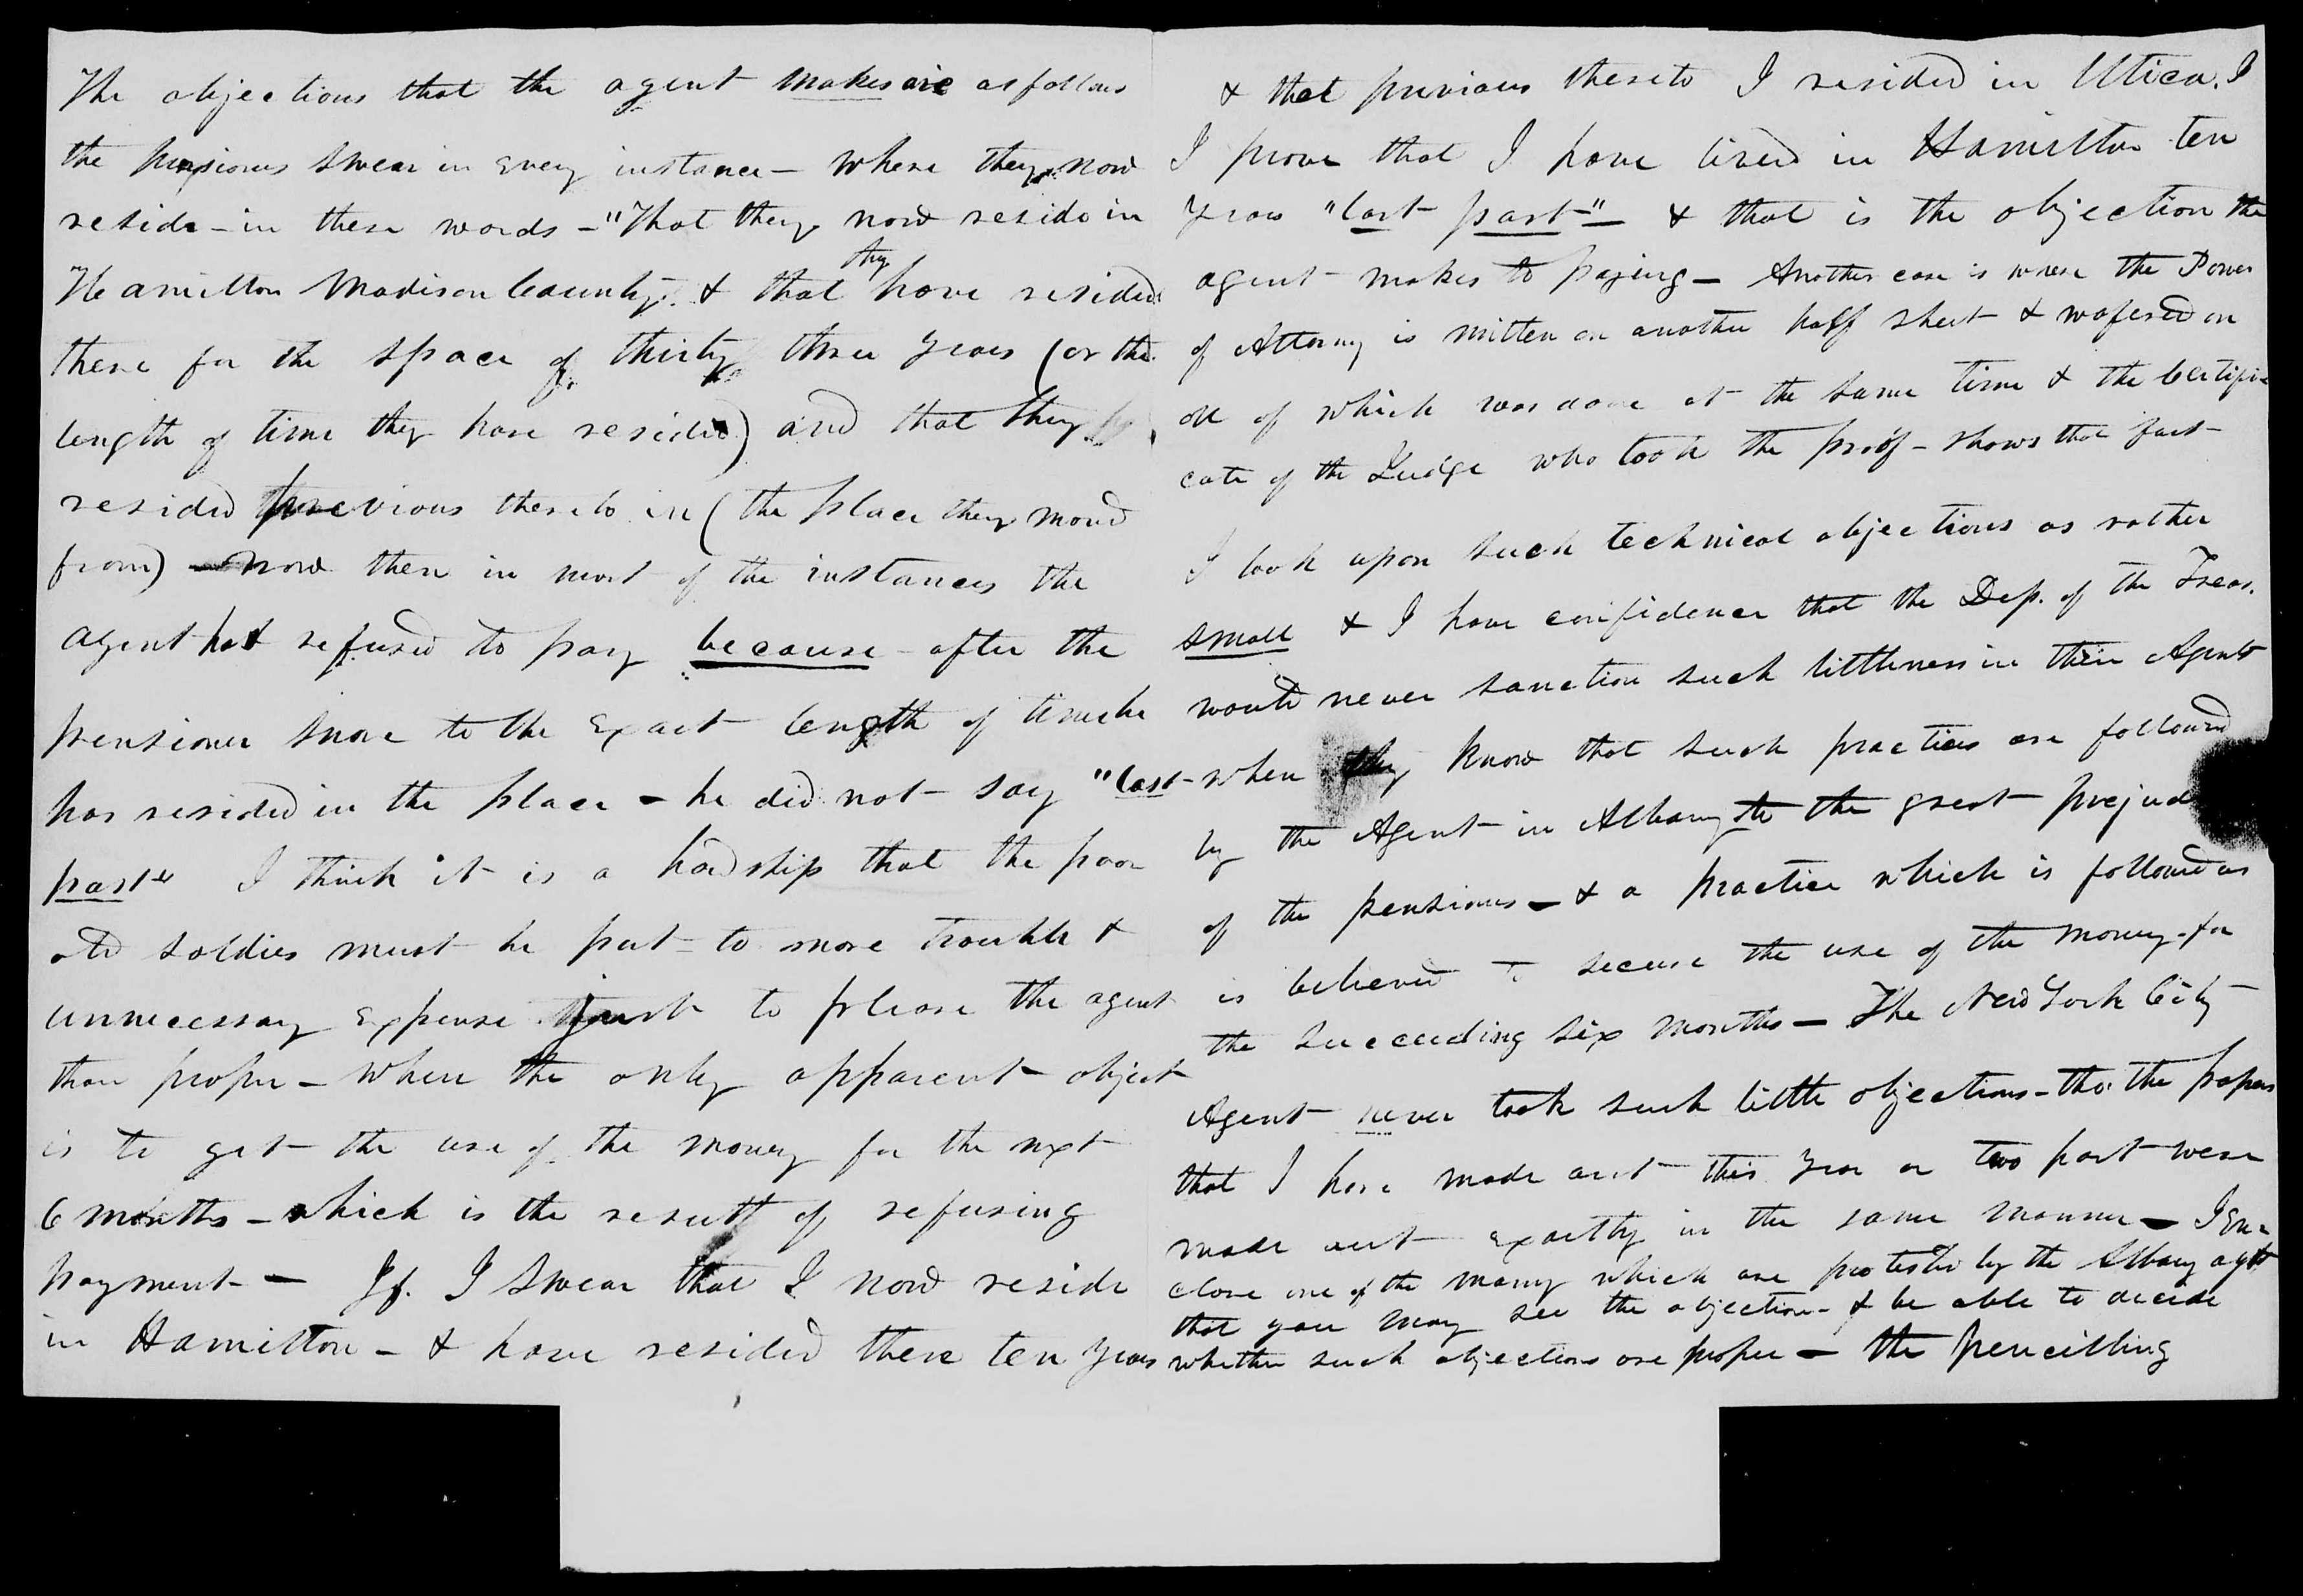The objections that the agent makes are as follows the pensioners swear in every instance, where they now reside in these words "That they now reside in Hamilton Madison County & that they have resided there for the space of thirty three years length of time they have resided) and that they resided previous thereto in (the place they movd from) now then in most of the instances the agent has refused to pay because after pensioner swore to the exact length of time he has resided in the place he did not say "last past". I think it is a hardship that the poor rtd soldier must be put to more trouble & unnecessary expense just to please the agent than proper-- when the only apparent object is to get the use of the money for the next 6 months which is the result of refusing payment. If I swear that I now reside in Hamilton & have resided there ten years & that previous thereto I resided in Utica, I prove that I have lived in Hamilton ten years "last past" & that is the objection the agent makes to paying. Another case is where the Power of Attorney is written on another half sheet & wafered on all of which was done at the same time & the Certificate of the Judge who took the proof shows that fact. I look upon such technical objections as rather small & I have confidence that the Dep of the Treas. would never sanction such littleness in their Agent when they know that such practices are followed by the Agent in Albany to the great prejudice of the pensioners & a practice which is followed as is believed & secure the use of the money for succeeding six months. The New York City Agent never took such little objections-- tho the papers that I have made out this year or two past were made out exactly in the same manner. I enclose one of the many which are protested by the Albany agt that you may see the objection & be able to decide whether such objections are proper.  The pencilling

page: 29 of 37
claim: widow's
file: W. 20,787, Daniel Brown, Conn. Navy.